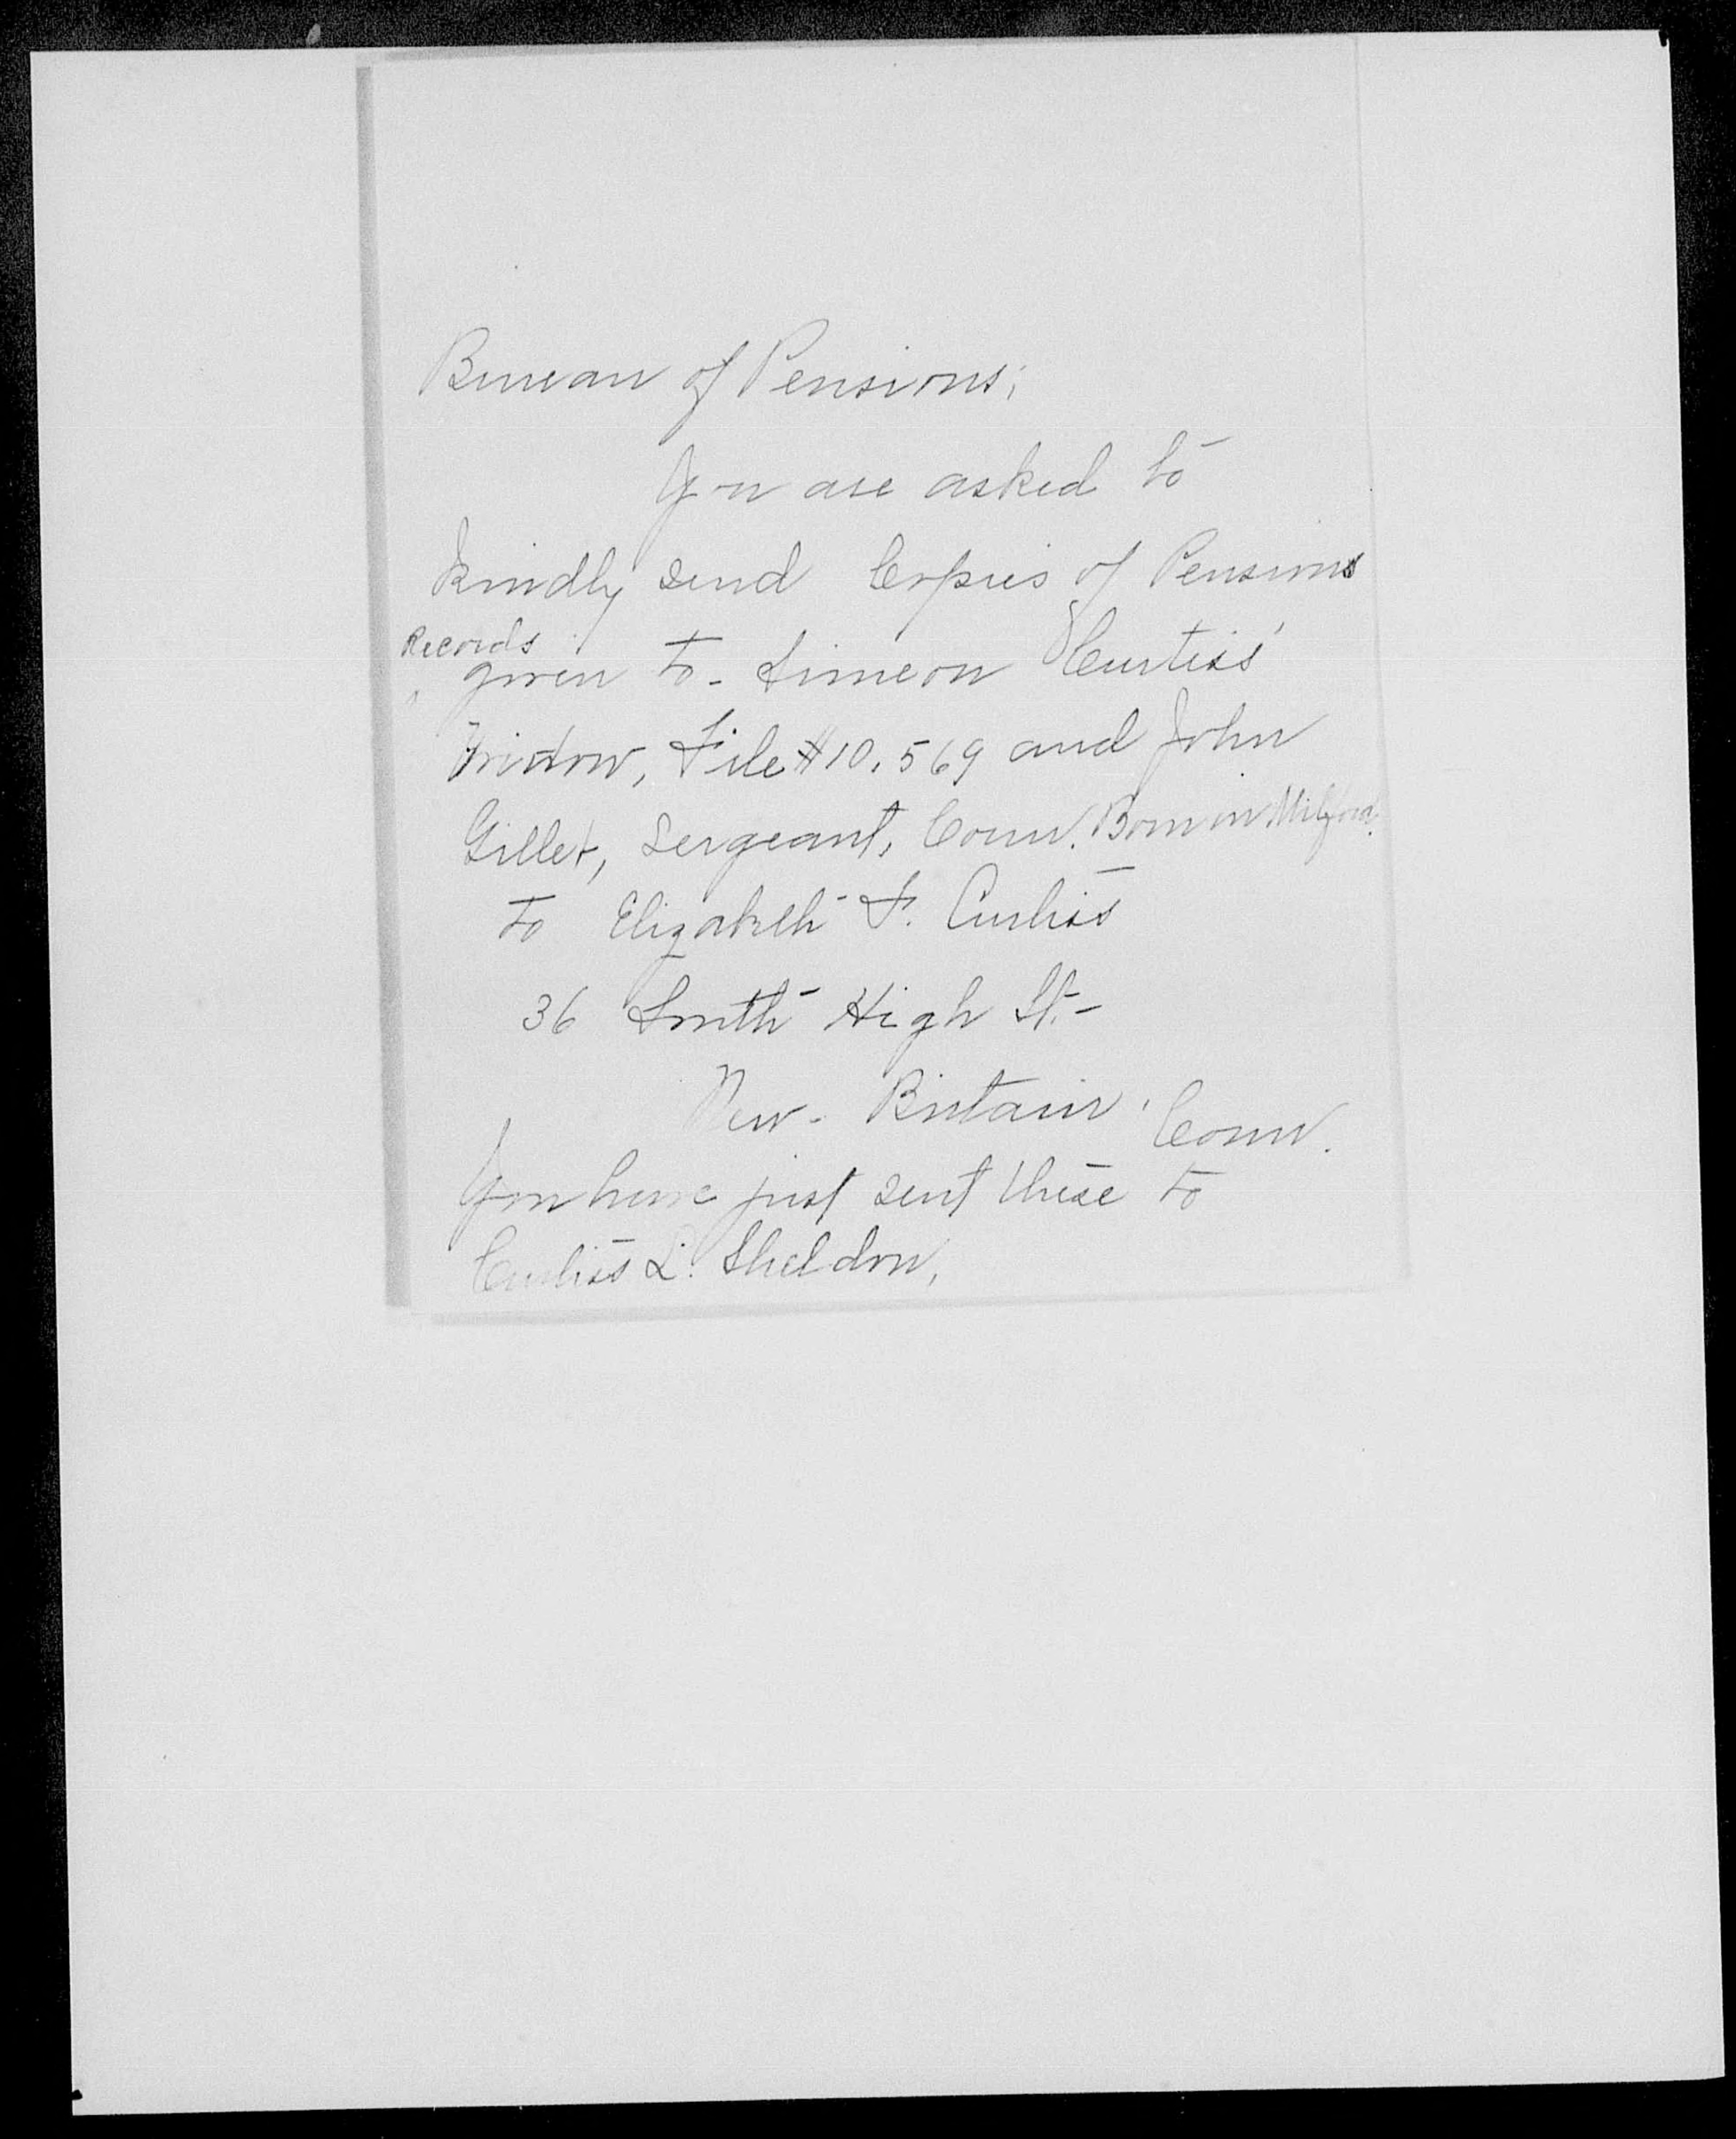Bureau of Pensions:

     You are asked to kindly send Copies of Pension Records given to Simeon Curtiss' Widow, File # 10, 569 and John Gillet, Sergeant, Conn Born in Milford
   To       Elizabeth F. Curtiss
             36 South High St.-
                    New Britain,  Conn.
You have just sent these to Curtiss L. Sheldon.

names: Curtiss L Sheldon, John Gillet, Simeon Curtiss, Elizabeth F Curtiss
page: 32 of 40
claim: survivor's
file: S. 36,537 And R. 4034, John Gillet, Conn.